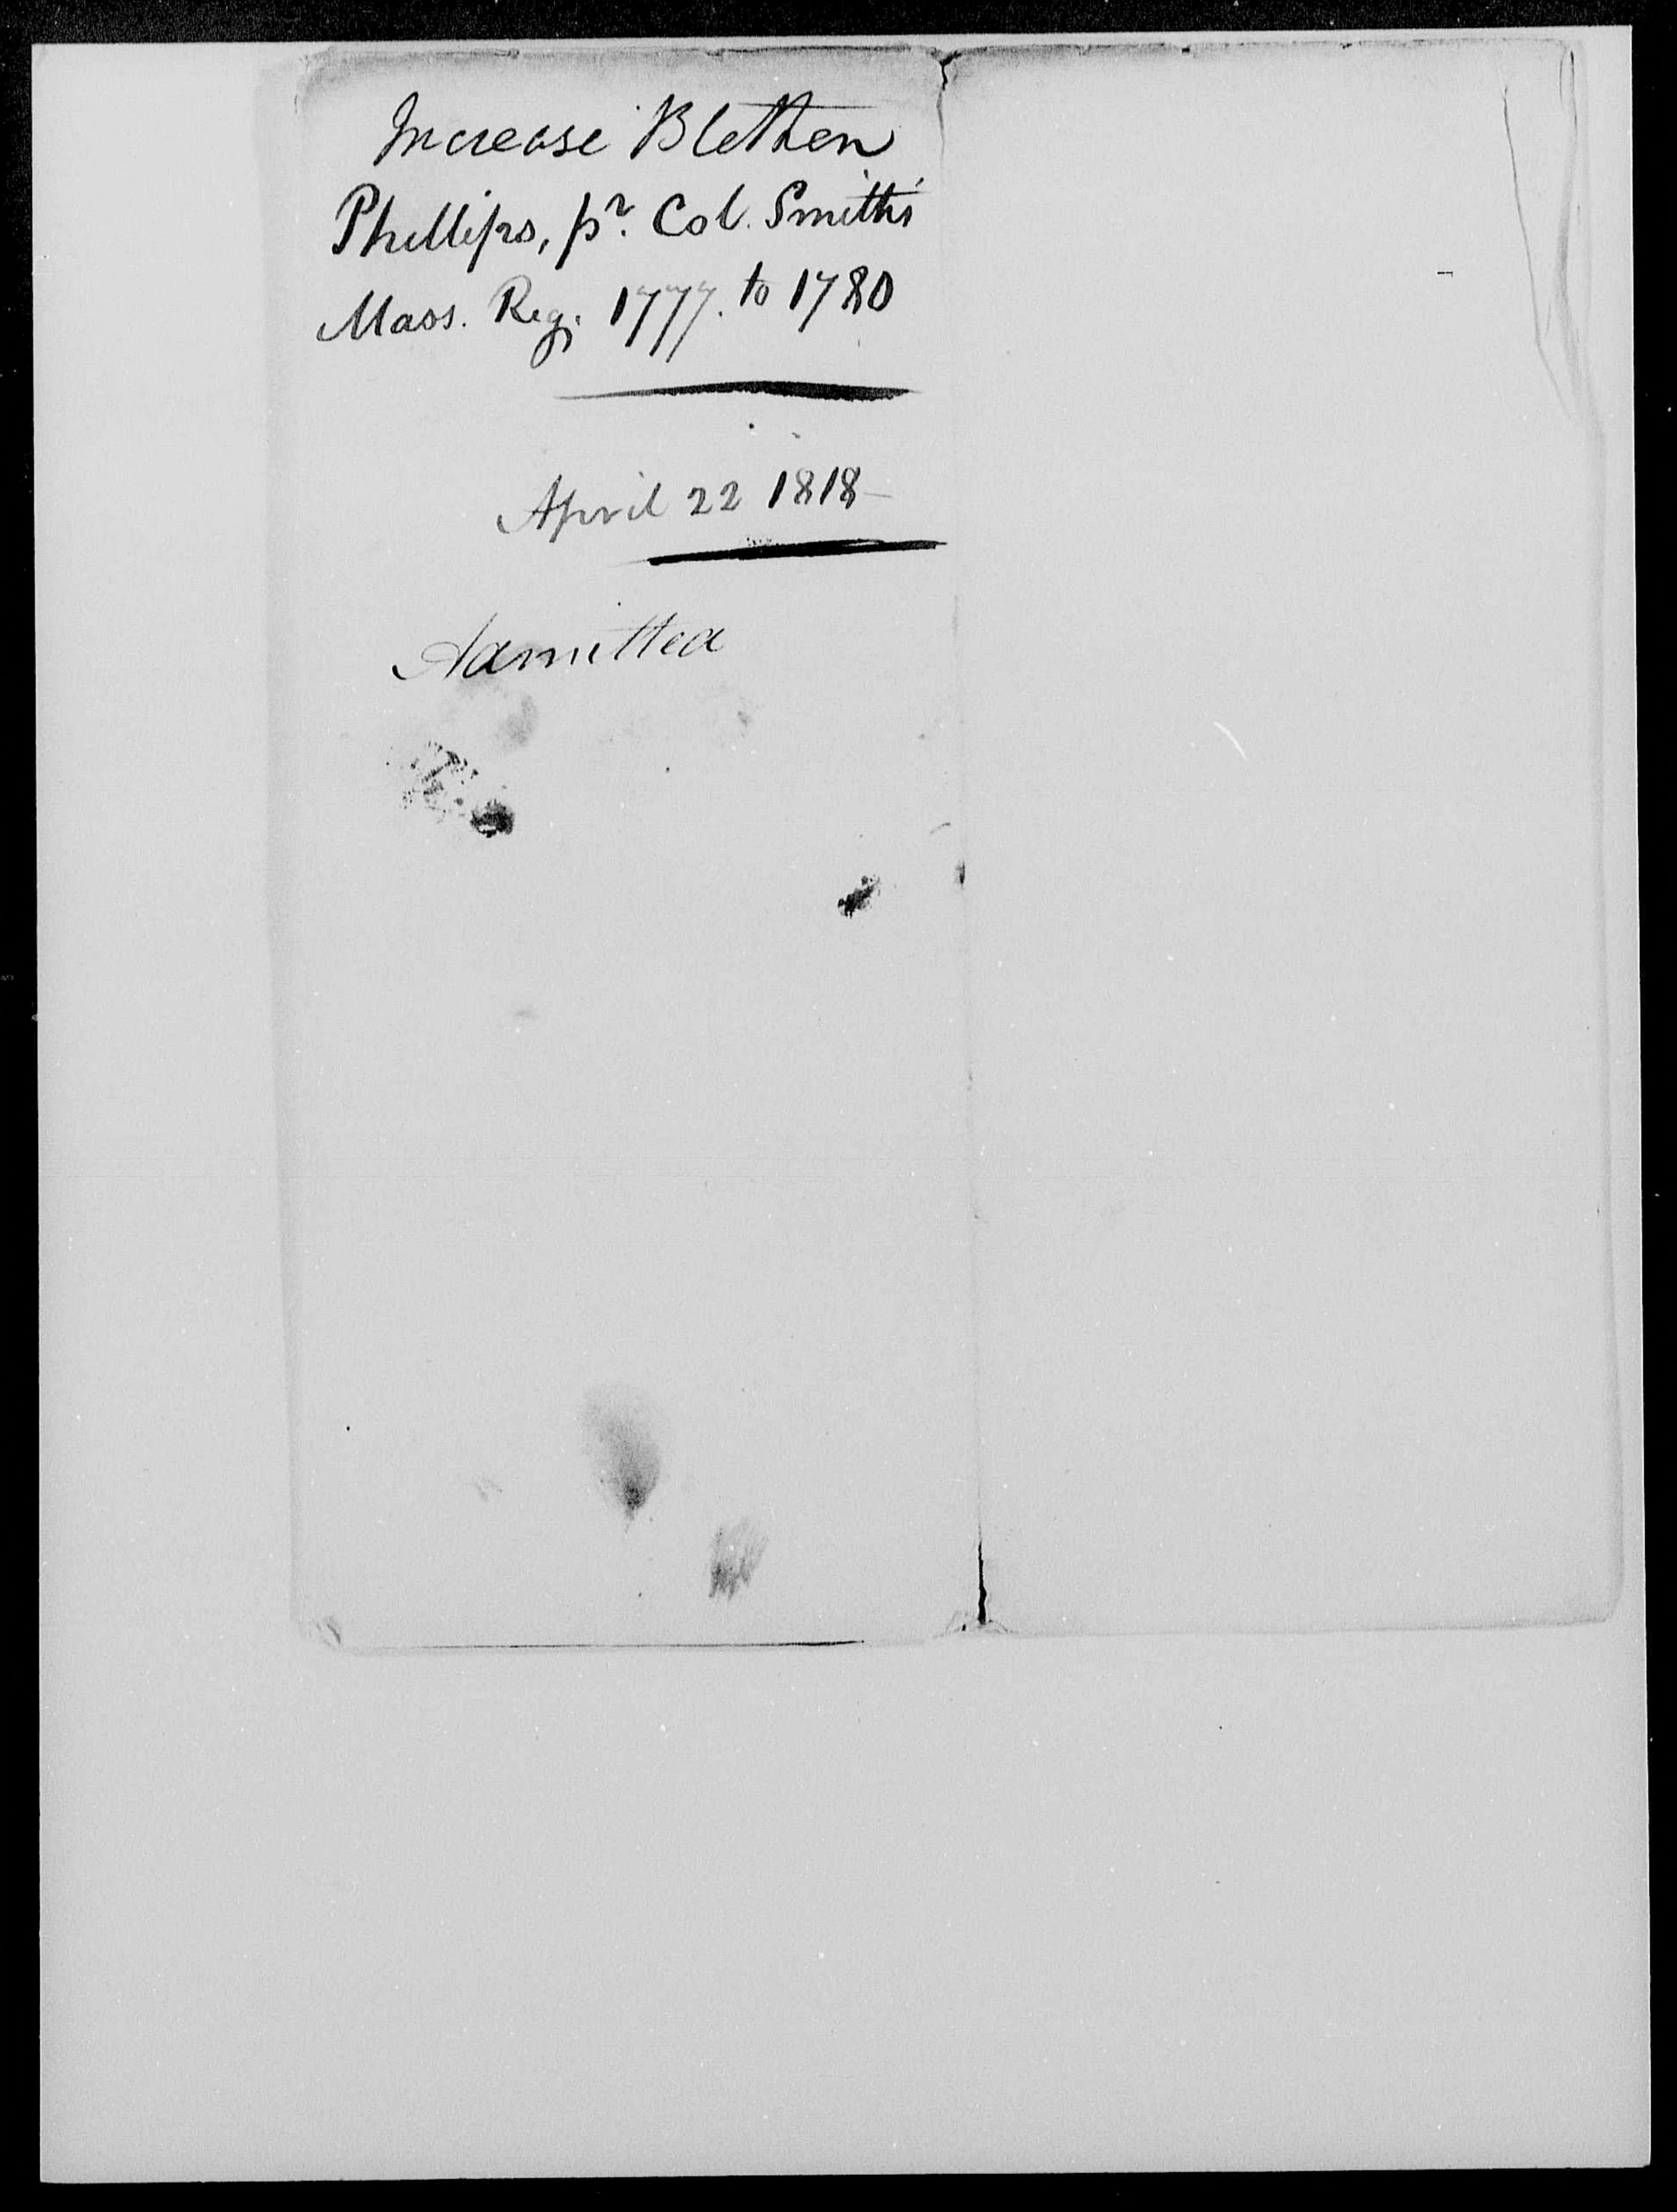Increase Blethen
Phillips, ssr. Col. Smiths
Mass Reg. 1777 to 1780

April 22 1818

Admitted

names: Increase Blethen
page: 19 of 39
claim: widow's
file: W. 23,621, Increase Blethen, Mass.